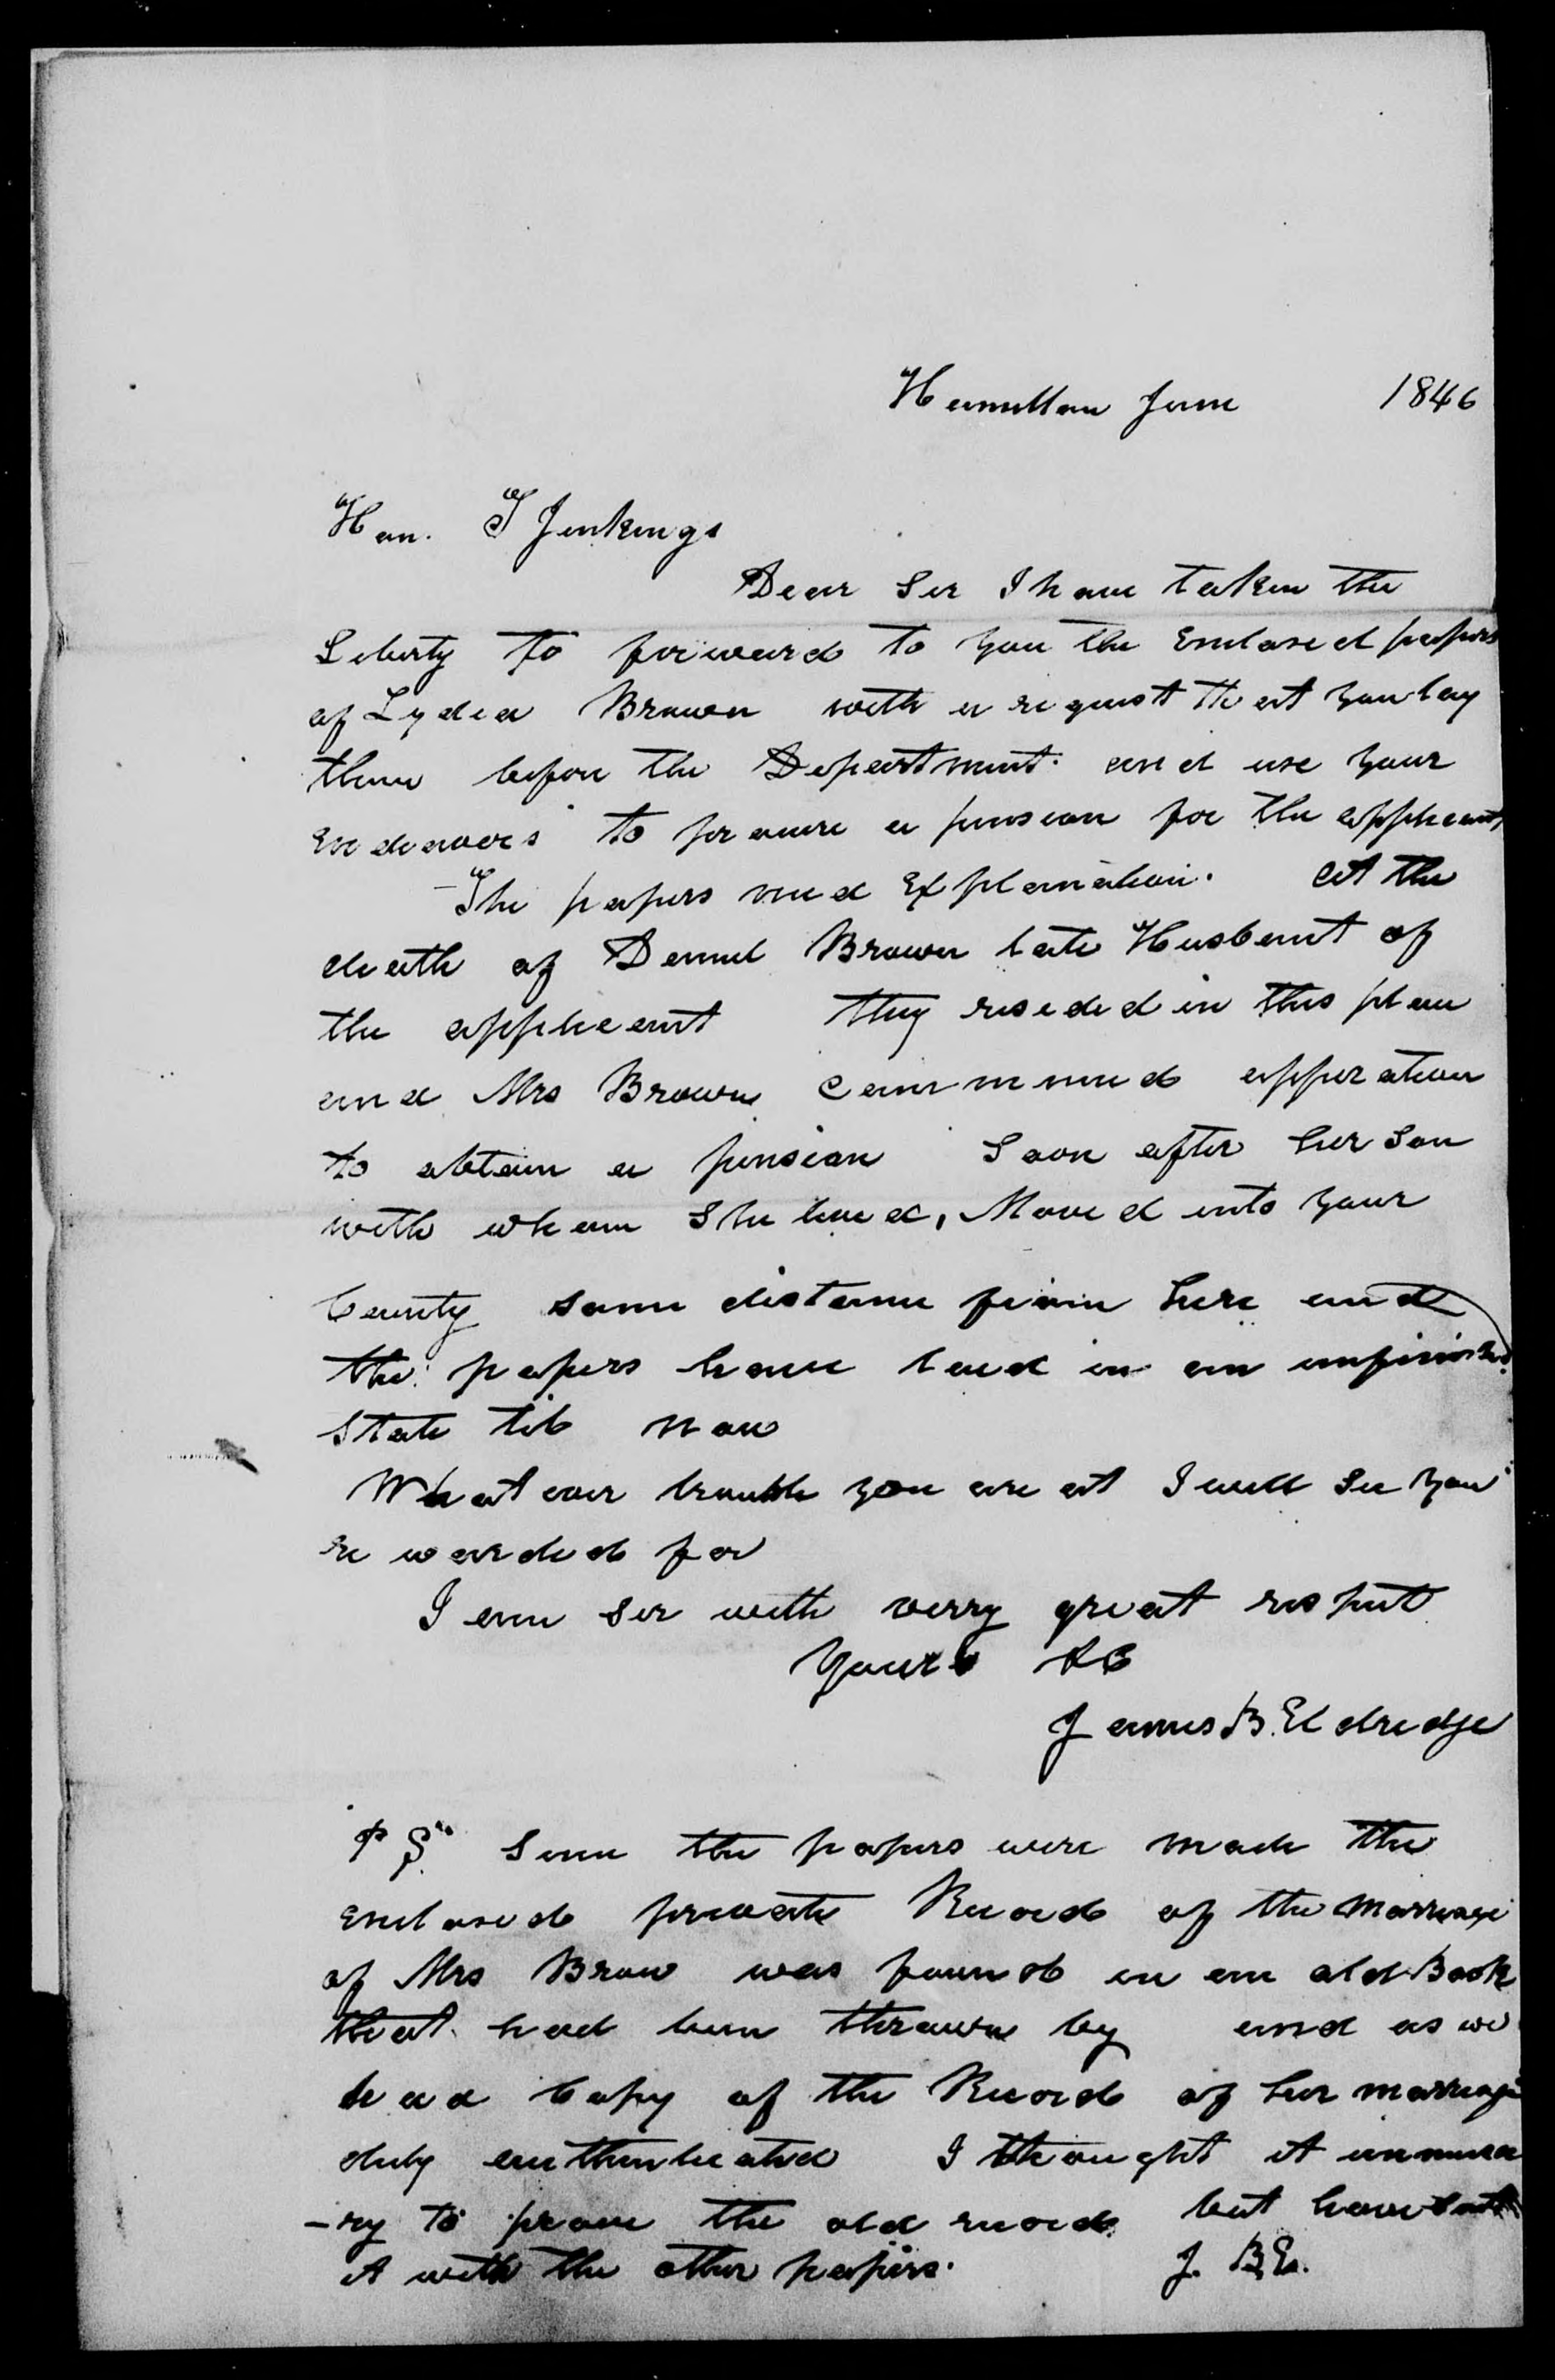Han.
I Jenkings
Hamilton June
1846
Dear Sir I have taken the
Liberty to forward to you the enclosed papers
of Lydia Brown with or request that Lawley
then before the Department and use your
endeavors to procure a pension for the applicant
The papers and explanation
at the
death of Daniel Browen late Husband of
the applicant
they resided in this place
and Mrs Brown[illegible]
to obtain a pension
Soon after her son
with whom she had, moved into your
County some distance from here and
the papers have land in an unfinished
State till now
What [illegible] you come and I will see you
he warded for
I am sir with very great respect
Your
& C
James B. Eldridge
same the papers were made the
Enclosed private Record of the Marriage
of Mrs Brow was found in an old Book ┃
that had been thrown by
and as we ┃
had copy of the Record of her marriage ┃
duly authenticated
I thought it in
to have the old record
but have ┃
with the other papers
J. B.
Download
of 37
1
2
3
4
5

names: James B Eldredge, Brow, Daniel Brown, T Jenkings, Brown, Lydia Brown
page: 34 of 37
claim: widow's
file: W. 20,787, Daniel Brown, Conn. Navy.